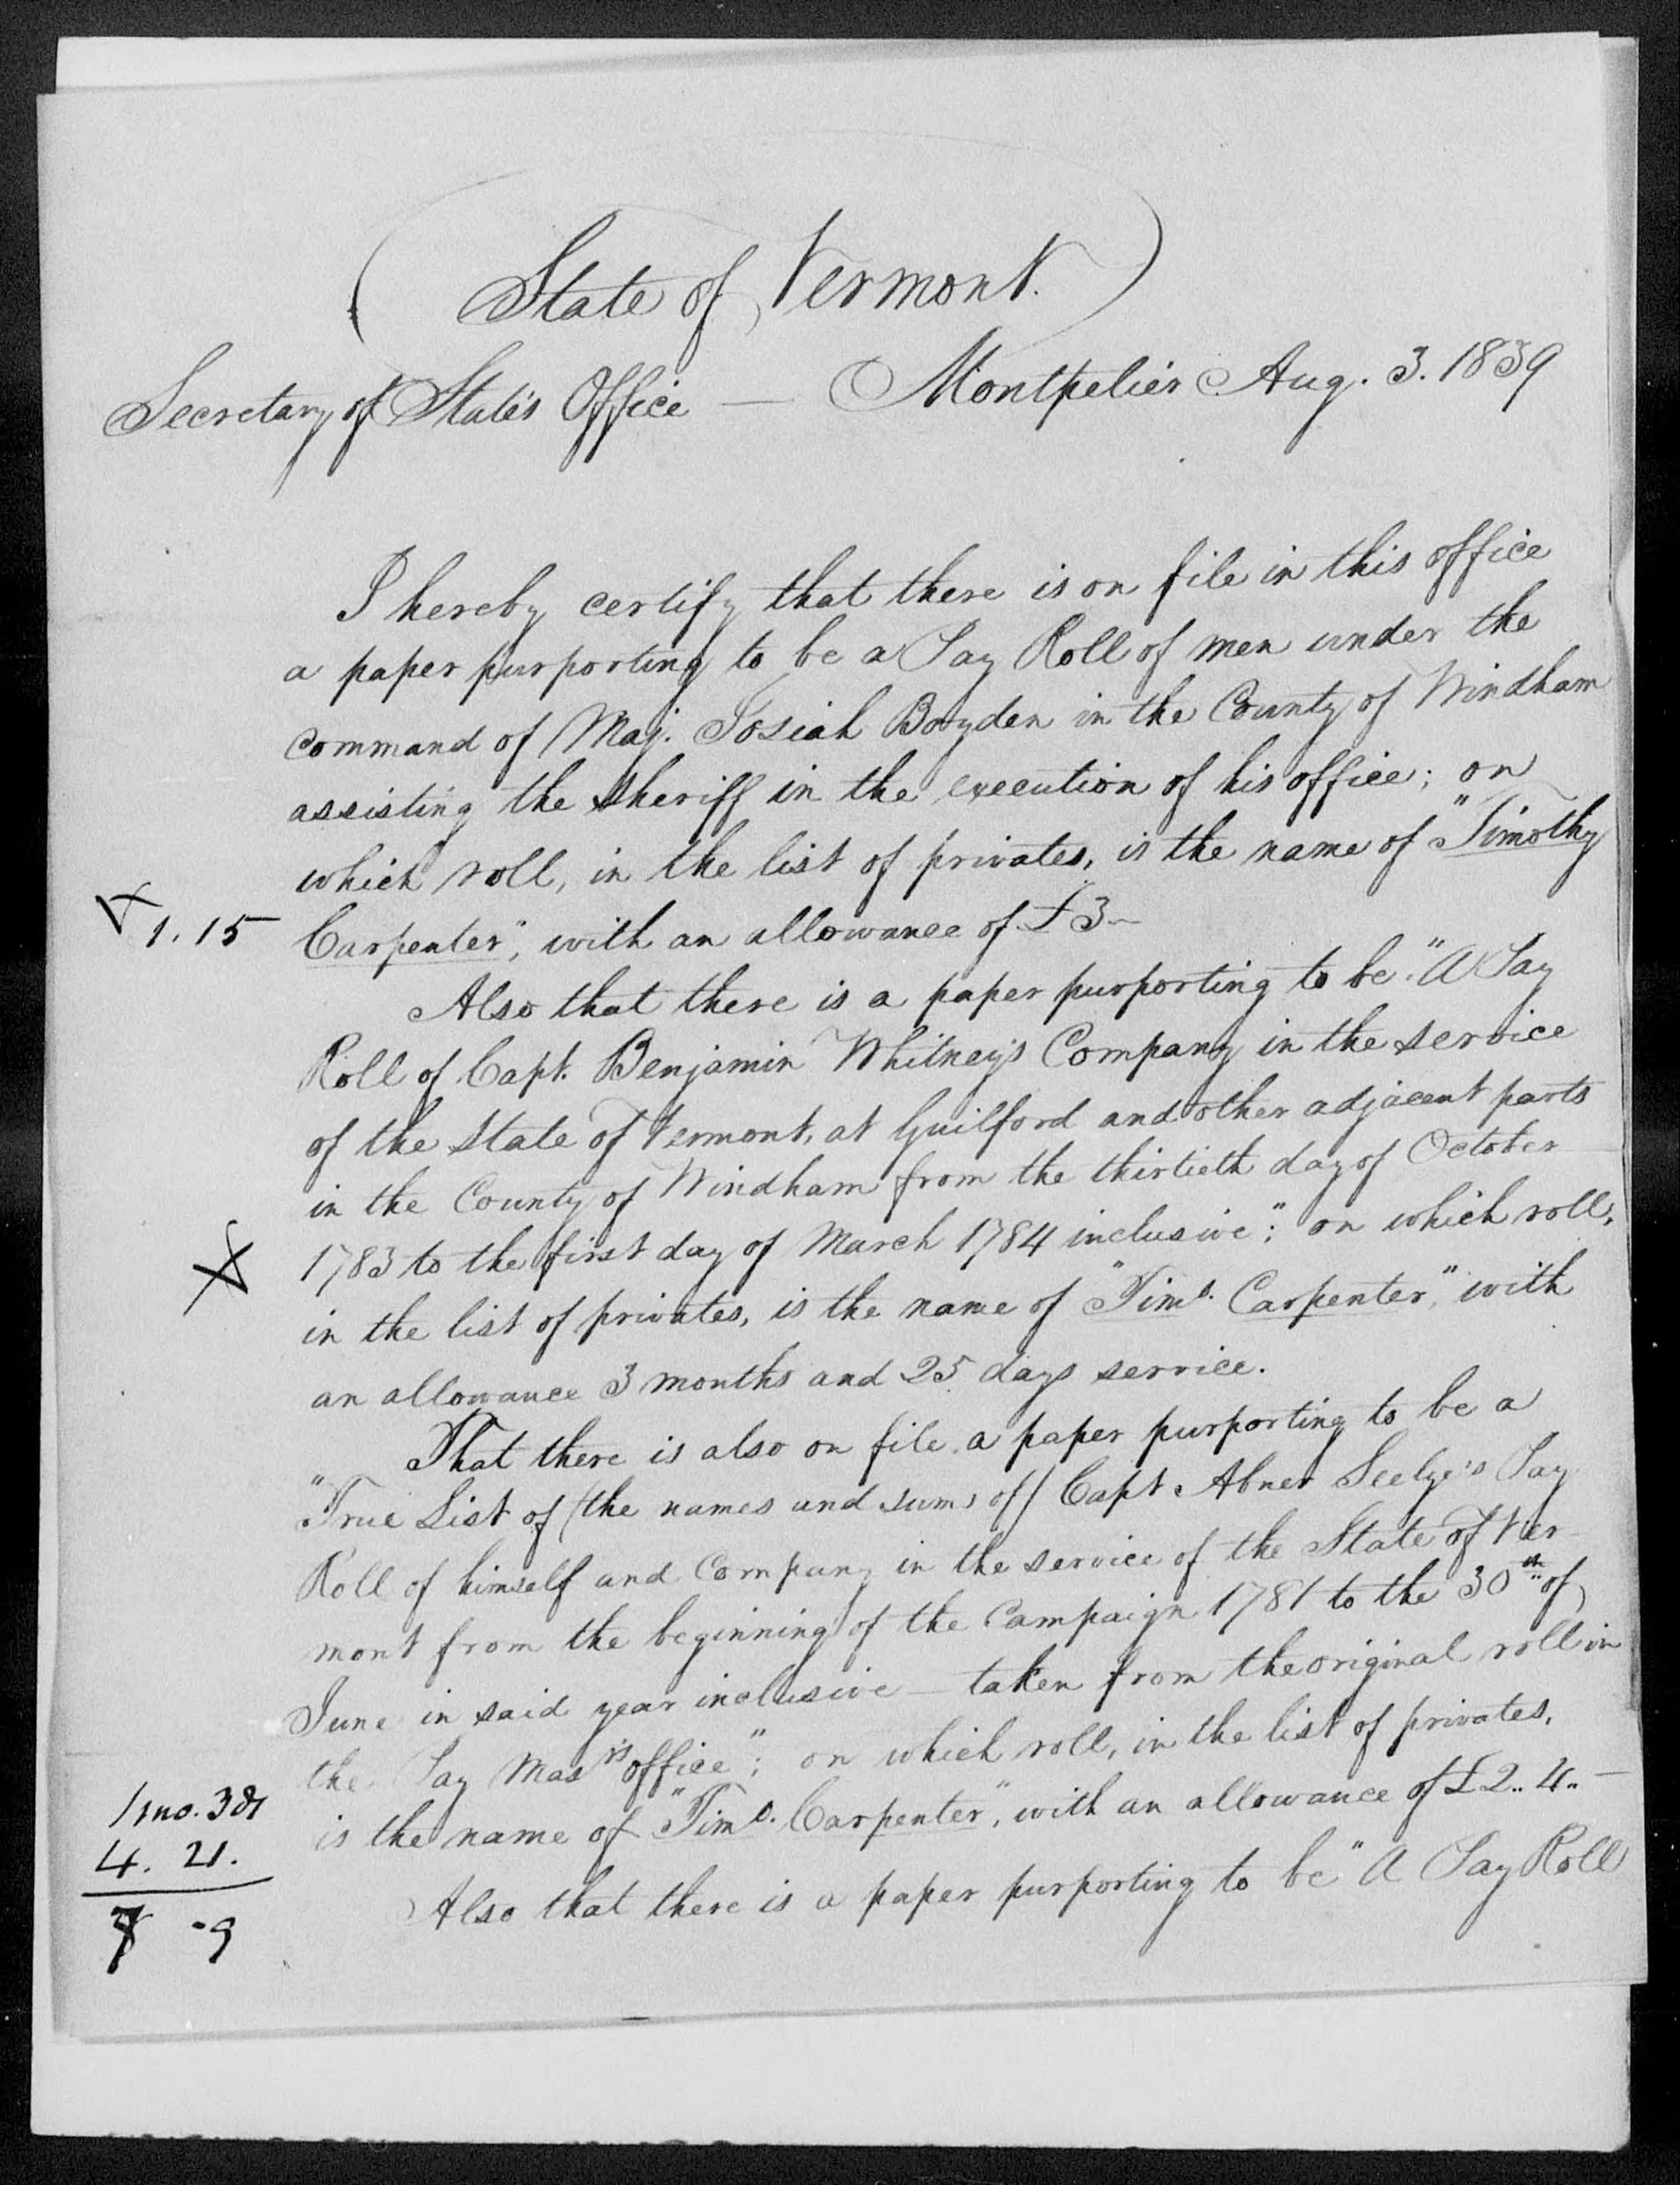(State of Vermont)
Secretary of State's Office - Montpelier Aug 3. 1839

I hereby certify that there is on file in this office a paper purporting to be a Pay Roll of men under the command of Maj. Josiah Boyden in the County of Windham assisting the sheriff in the execution of his office; on which roll, in the list of privates, is the name of "Timothy [margin note: X1.15] Carpenter", with an allowance of £3 - 
Also that there is a paper purporting to be "A Pay  Roll of Capt. Benjamin Whitney's Company in the service of the State of Vermont, at Guilford and other adjacent parts in the County of Windham from the thirtieth day of October [margin note: *] 1783 to the first day of March 1784 inclusive:" on which roll, in the list of privates, is the name of "Timo Carpenter" with an allowance 3 months and 25 days service.
That there is also on file a paper purporting to be a "True List of the names and terms of Capt. Abner Seelye's Pay Roll of himself and company in the service of the State of Vermont from the beginning of the campaign 1781 to the 30th of June in said year inclusive - taken from the original roll in the Pay Mastr's office"; on which roll, in the list of privates, is the name of "Timo Carpenter," with an allowance of £2.4 - [margin note: 1 mo 3 d 4. 21. / 7 -9]
Also that there is a paper purporting to be "A Pay Roll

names: Timo Carpenter, Josiah Boyden, Timo Carpenter, Timothy Carpenter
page: 34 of 41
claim: widow's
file: W. 15627, Timothy Carpenter, Vt.